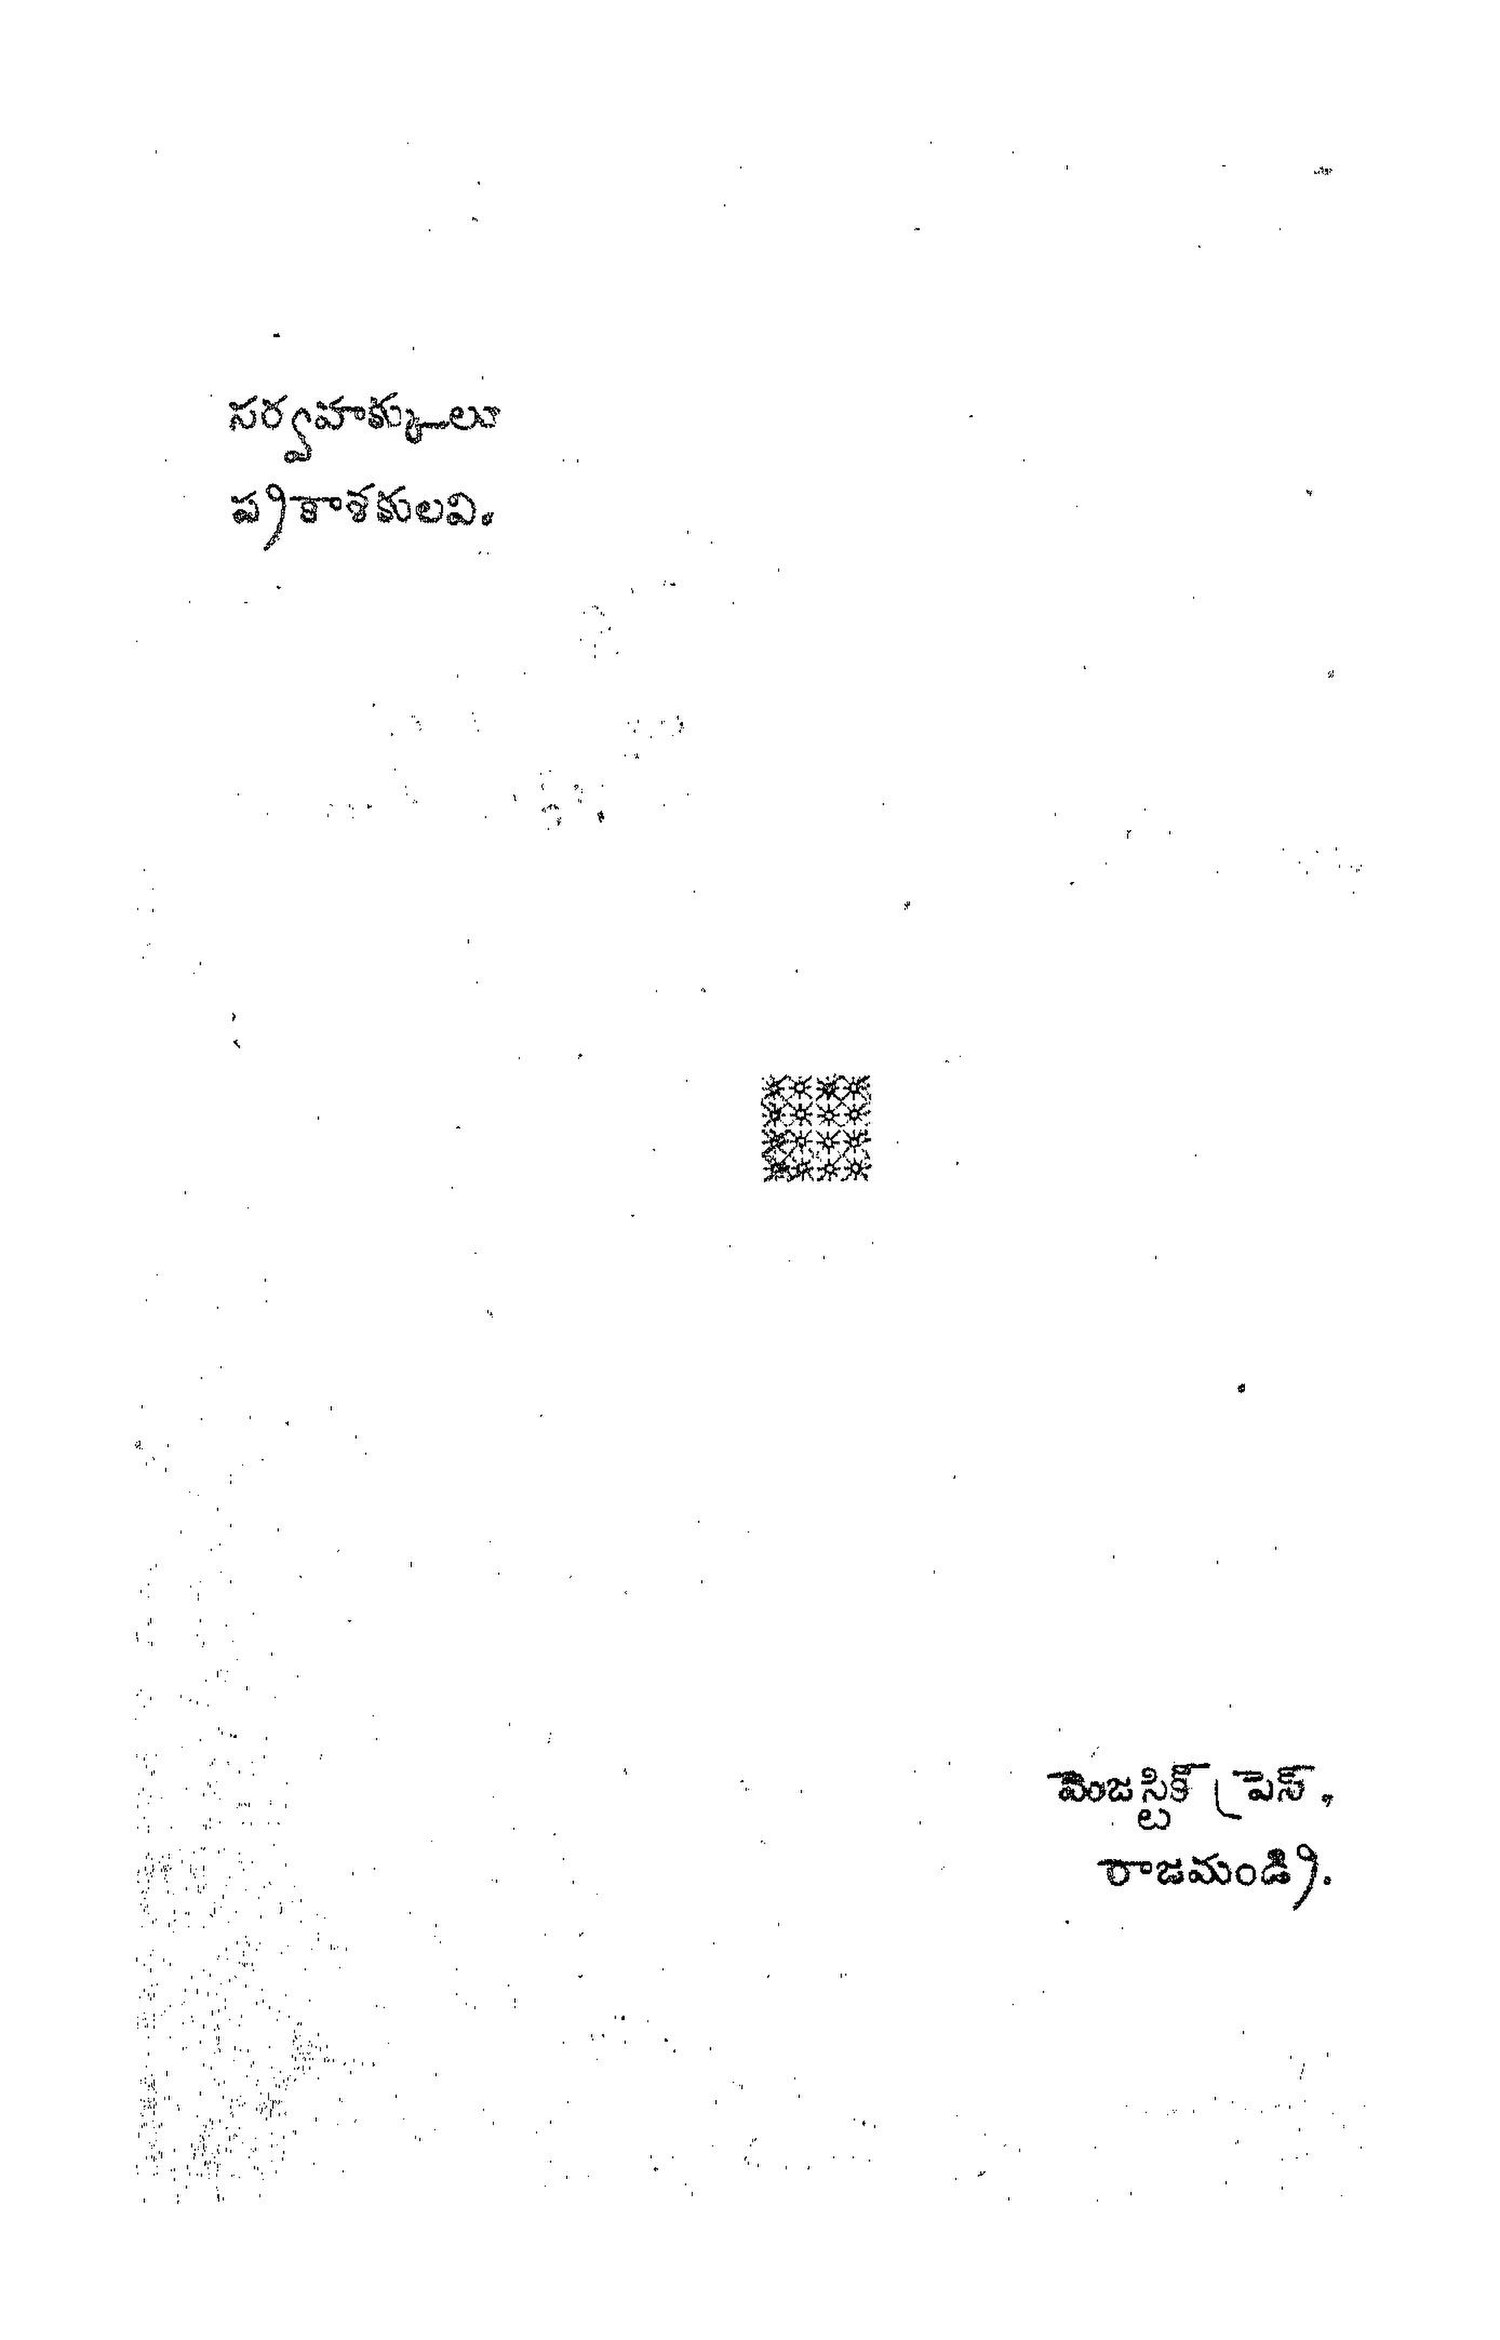సర్వహక్కులు
ప్రకాశకులవి.